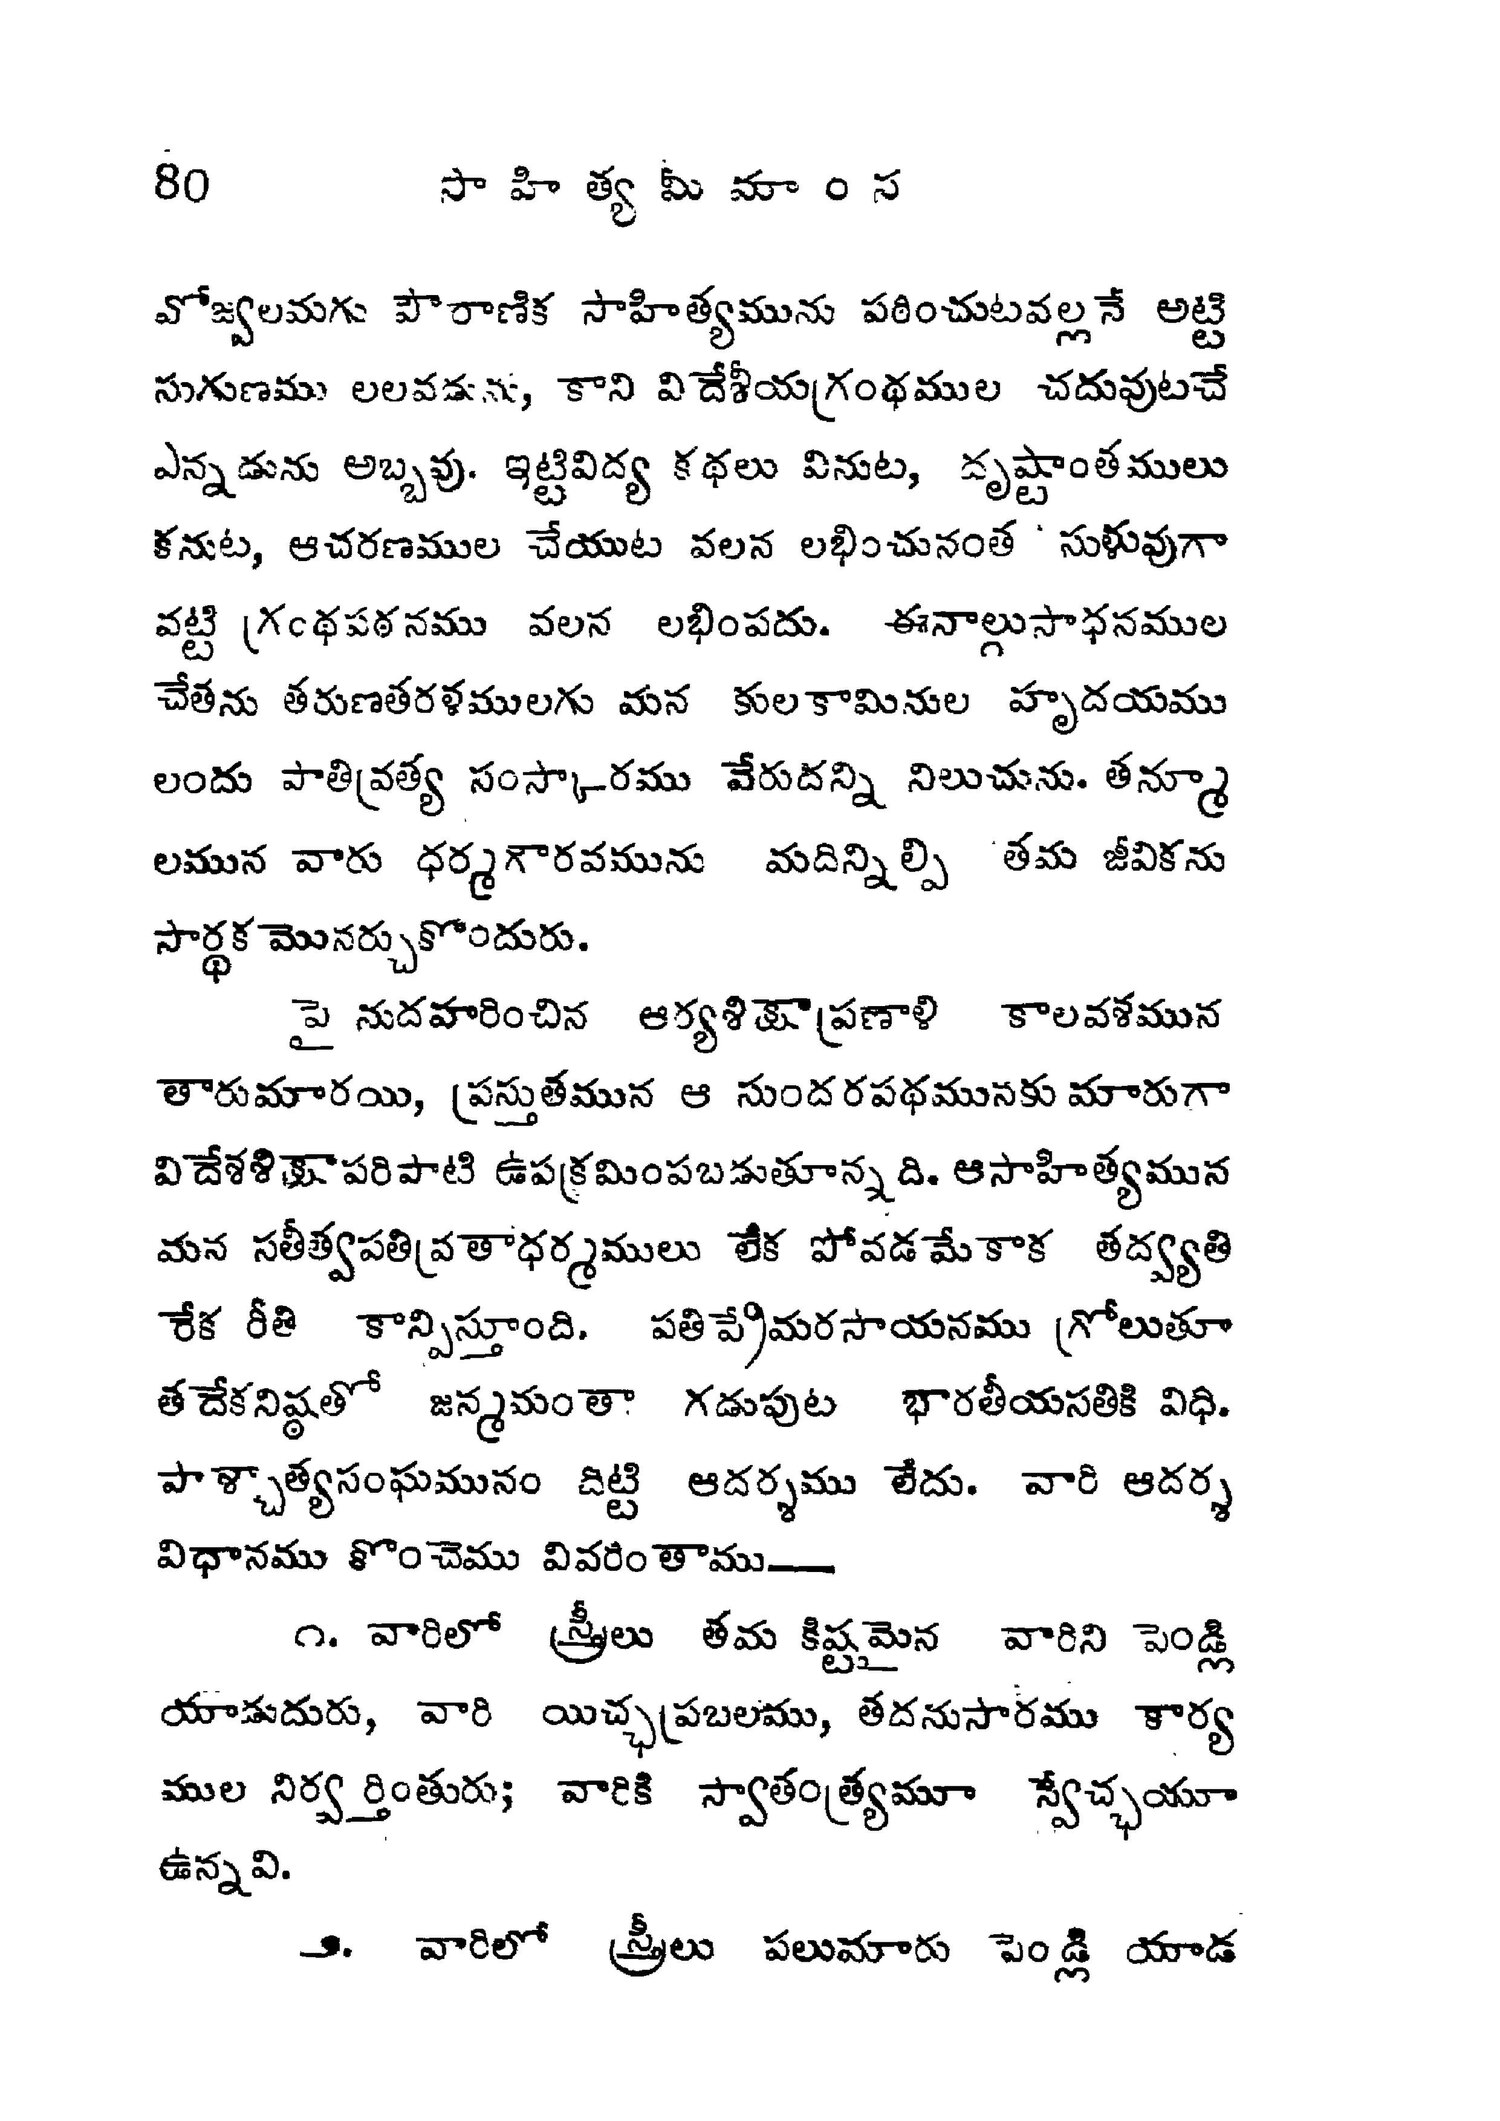వోజ్వలమగు పౌరాణిక సాహిత్యమును పఠించుటవల్లనే అట్టి సుగుణము లలవడును, కాని విదేశీయగ్రంథముల చదువుటచే ఎన్నడును అబ్బవు. ఇట్టివిద్య కథలు వినుట, దృష్టాంతములు కనుట, ఆచరణముల చేయుట వలన లభించునంత సుళువుగా వట్టి గ్రంథపఠనము వలన లభింపదు. ఈనాల్గుసాధనముల చేతను తరుణతరళములగు మన కులకామినుల హృదయములందు పాతివ్రత్య సంస్కారము వేరుదన్ని నిలుచును. తన్మూలమున వారు ధర్మగౌరవమున మదిన్నిల్పి తమ జీవికను సార్థకమొనర్చుకొందురు.

పై నుదహరించిన ఆర్యశిక్షాప్రణాళి కాలవశమున తారుమారయి, ప్రస్తుతమున ఆ సుందరపథమునకు మారుగా విదేశశిక్షాపరిపాటి ఉపక్రమింపబడుతూన్నది. ఆసాహిత్యమున మన సతీత్వపతివ్రతాధర్మములు లేక పోవడమేకాక తద్వ్యతిరేక రీతి కాన్పిస్తూంది. పతిప్రేమరసాయనము గ్రోలుతూ తదేకనిష్ఠతో జన్మమంతా గడుపుట భారతీయసతికి విధి. పాశ్చాత్యసంఘమునం దిట్టి ఆదర్శము లేదు. వారి ఆదర్శ విధానము కొంచెము వివరింతాము -

1. వారిలో స్త్రీలు తమ కిష్టమైన వారిని పెండ్లి యాడుదురు, వారి యిచ్ఛప్రబలము, తదనుసారము కార్యముల నిర్వర్తింతురు; వారికి స్వాతంత్ర్యమూ స్వేచ్ఛయూ ఉన్నవి.

2. వారిలో స్త్రీలు పలుమారు పెండ్లి యాడ